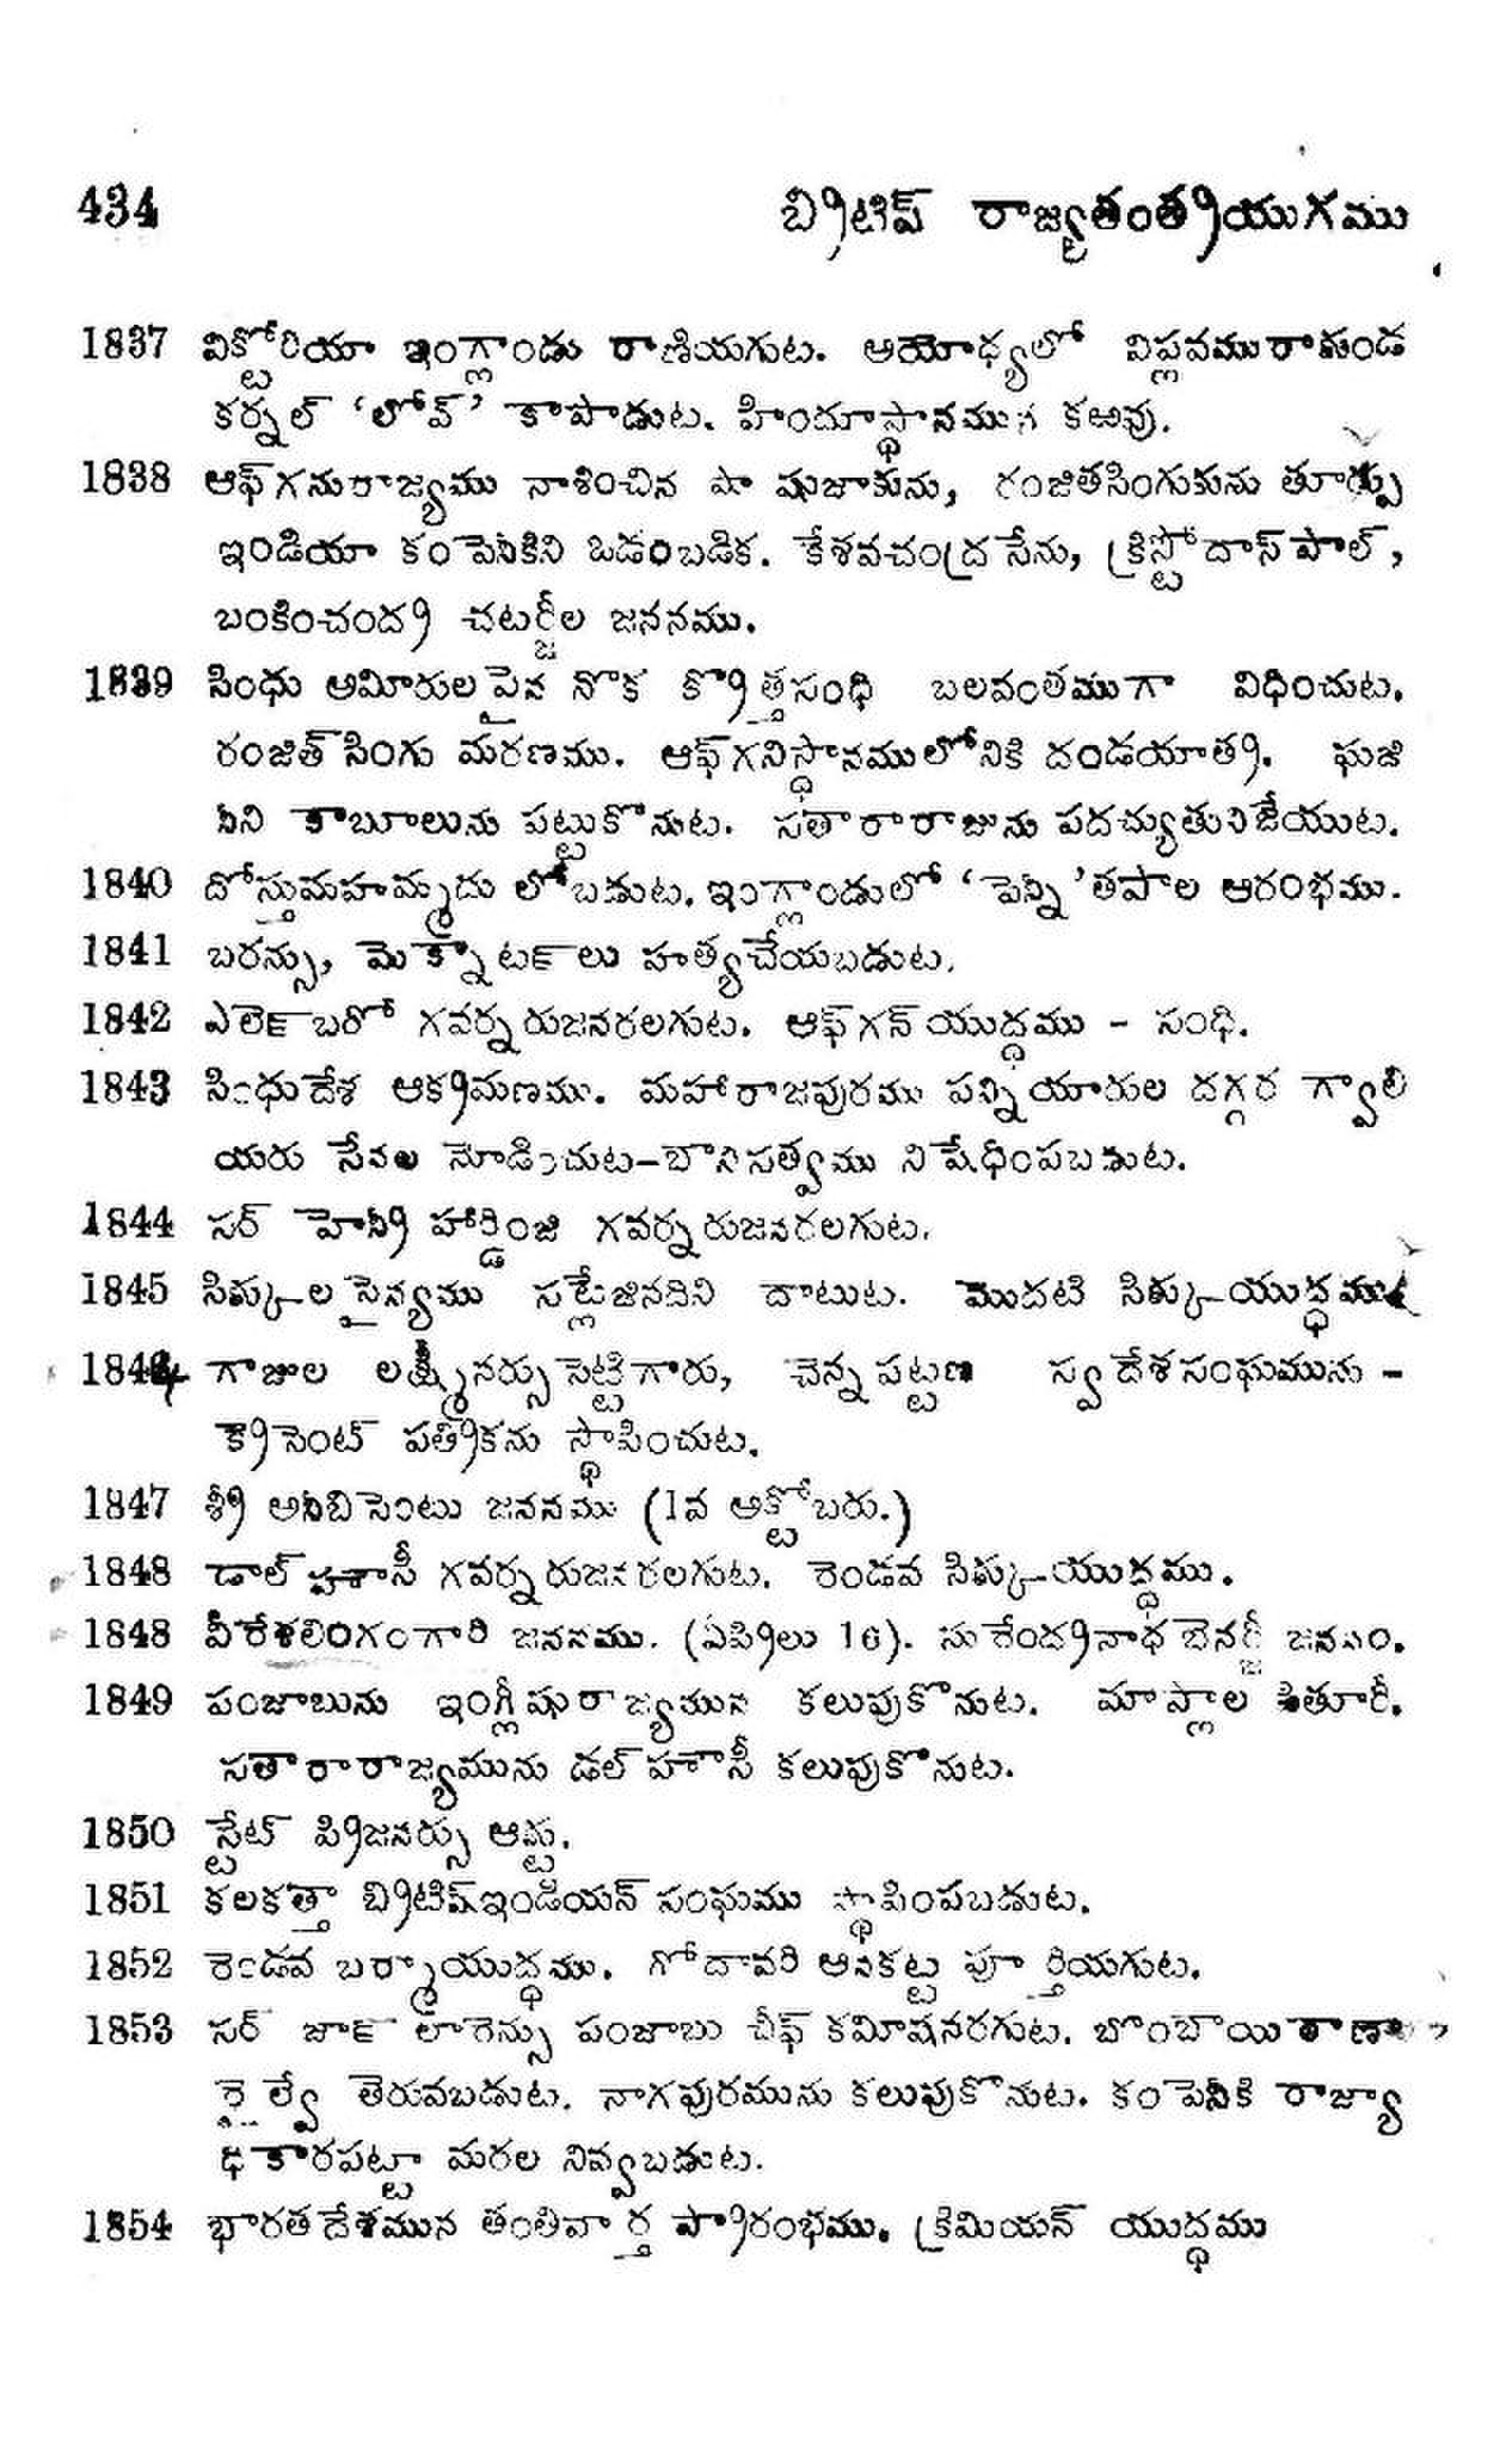1837 విక్టోరియా ఇంగ్లాండు రాణియగుట. అయోధ్యలో విప్లవమురాకుండ కర్నల్ 'లోవ్' కాపాడుట. హిందూస్థానమున కఱవు. 

1838 ఆఫ్‌గనురాజ్యము నాశించిన షా షుజాకును, రంజితసింగుకును తూర్పుఇండియా కంపెనీకిని ఒడంబడిక . కేశవచంద్రసేను, క్రిస్టోదాస్‌పాల్, బంకించంద్ర చటర్జీల జననము. 

1839 సింధు అమీరులపైన నొక క్రొత్తసంధి బలవంతముగా విధించుట. రంజిత్ సింగు మరణము. ఆఫ్‌గనిస్థానములోనికి దండయాత్ర. ఘజినీని కాబూలును పట్టుకొనుట. సతారారాజును పదచ్యుతునిజేయుట. 

1840 దోస్తుమహమ్మదు లోబడుట. ఇంగ్లాండులో 'పెన్నీ' తపాల ఆరంభము. 

1841 బరన్సు, మెక్నాట౯లు హత్యచేయబడుట.

1842 ఎలె౯బరో గవర్నరుజనరలగుట. ఆఫ్‌గన్ యుద్ధము - సంధి. 

1843 సింధుదేశ ఆక్రమణము. మహారాజపురము పన్నియారుల దగ్గర గ్వాలియరు సేనల నోడించుట-బానిసత్వము నిషేధింపబడుట. 

1844 సర్ హెన్రీ హార్డింజి గవర్నరుజనరలగుట. 

1845 సిక్కుల సైన్యము సట్లేజినదిని దాటుట. మొదటి సిక్కు యుద్ధము. 

18444 గాజుల లక్ష్మీనర్సుసెట్టిగారు, చెన్నపట్టణ స్వదేశసంఘమును - క్రెసెంట్ పత్రికను స్థాపించుట. 

1847 శ్రీ అనీబిసెంటు జననము (1వ అక్టోబరు.) 

1848 డాల్‌హౌసీ గవర్నరుజనరలగుట. రెండవ సిక్కు యుద్దము. 

1848 వీరేశలింగంగారి జననము. (ఏప్రిలు 16). సురేంద్రనాధ బెనర్జీ జననం. 

1849 పంజాబును ఇంగ్లీషురాజ్యమున కలుపుకొనుట, మాప్లాల పితూరీ. సతారారాజ్యమును డల్‌హౌసీ కలుపుకొనుట. 

1850 స్టేట్ ప్రిజనర్సు ఆక్టు. 

1851 కలకత్తా బ్రిటిష్‌ఇండియన్ సంఘము స్థాపింపబడుట. 

1852 రెండవ బర్మాయుద్ధము. గోదావరి అనకట్ట పూర్తియగుట. 

1853 సర్ జా౯ లారెన్సు పంజాబు చీఫ్ కమిషనరగుట. బొంబాయి తాణా రైల్వే తెరువబడుట. నాగపురమును కలుపుకొనుట. కంపెనీకి రాజ్యాధికారపట్టా మరల నివ్వబడుట. 

1854 భారతదేశమున తంతివార్త ప్రారంభము, క్రిమియన్ యుద్ధము